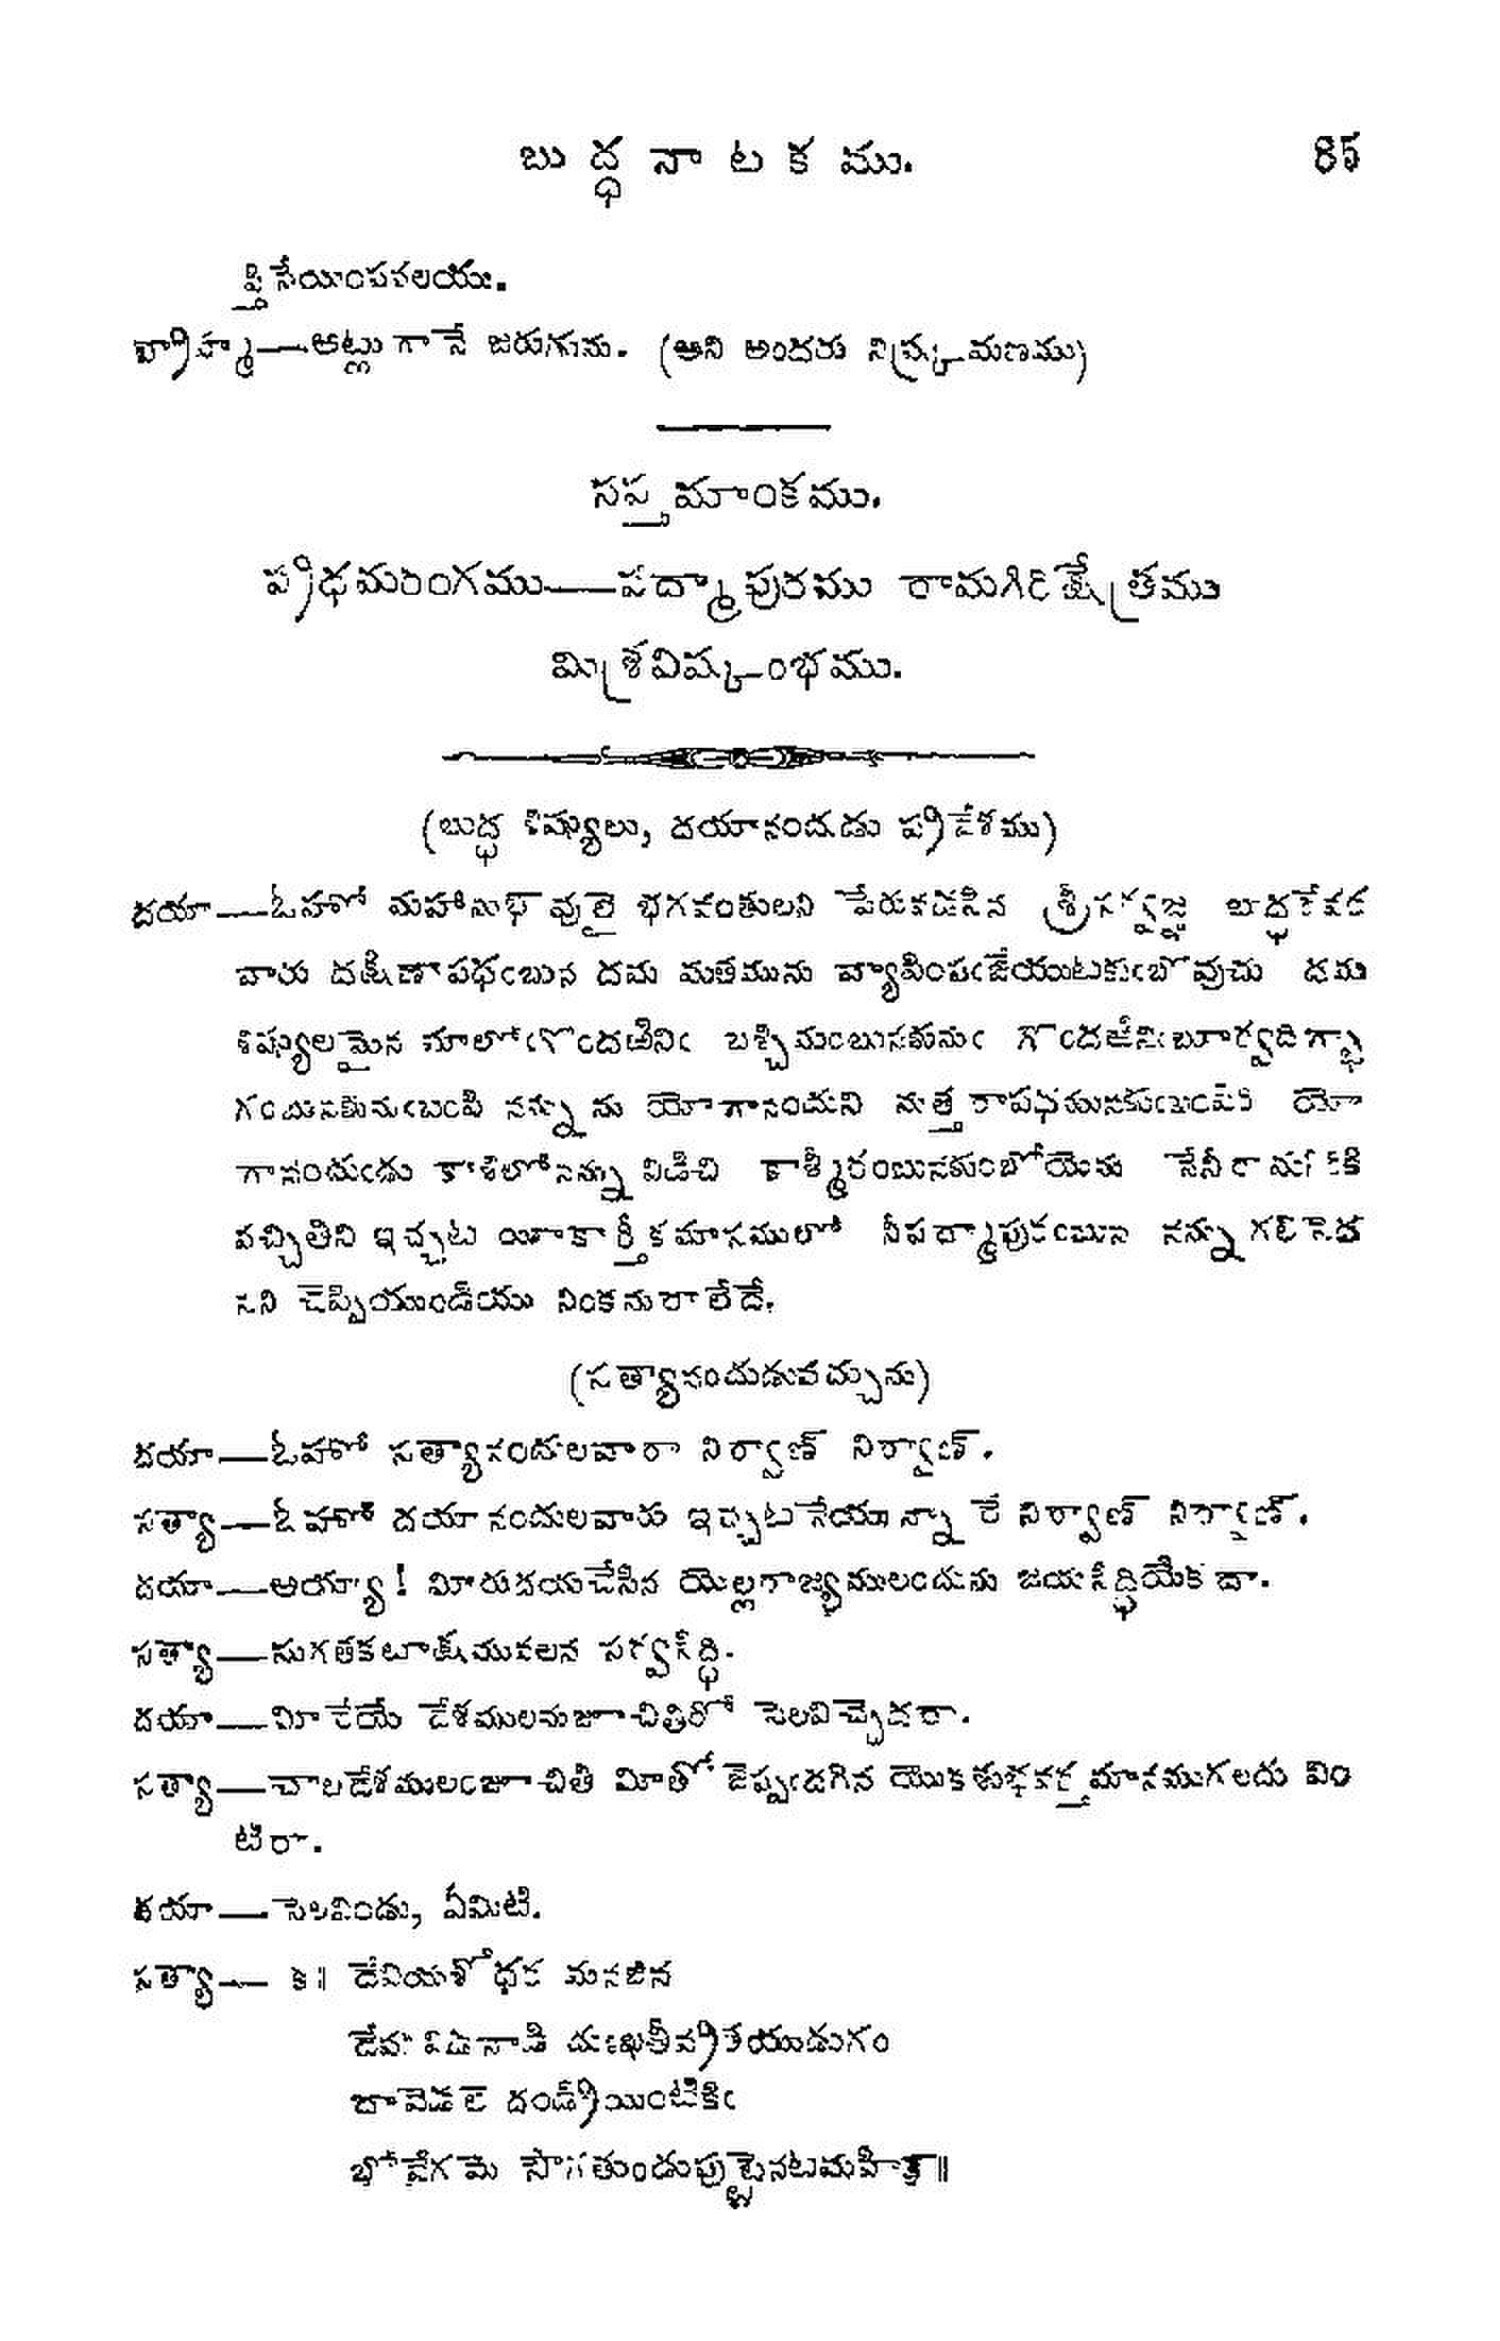ప్తి సేయింపవలయు. 

బ్రాహ్మ - అట్లుగానే జరుగును. (అని అందరు నిష్క్రమణము)

 

 
 

దయా - ఓహో మహానుభావులై భగవంతులని పేరువడసిన శ్రీ సర్వజ్ఞ బుద్ధదేవర వారు దక్షిణాపధఁబుస దమ మతమును వ్యాపింపఁజేయుటకుఁబోవుచు ధమ శిష్యులమైన మాలోఁగొందఱినిఁ బశ్చిమంబునకునుఁ గొందజీనిఁబూర్వదిగ్భాగంబునకునుఁబంపి 
సన్నును యోగానందుని నుత్తరాపధమునకుఁణంపిరి యోగానందుఁడు కాశిలోనిన్ను విడిచి కాశ్మీరంబునకుంబోయెను నేనీరానునిడికి 
వచ్చితిని ఇచ్చట యీకార్తీకమాసములో నీపద్మాపురంబున నన్నుగలిసెదసని చెప్పియుండియు నింకనురాలేదే.

దయా — ఓహో సత్యానందులవారా నిర్వాణ్ నిర్వాణ్.
.
సత్యా — ఓహో దయానందులవారు ఇచ్చటనేయాన్నారే నిర్వాణ్ నిర్వాణ్.

చయా -అయ్యా! మీరుదయచేసిన యెల్లరాజ్యములందును జయసిద్ధియే కదా.

సత్యా — సుగతకటాక్షమువలన సర్వసిద్ధి.

దయా - మీరేయే దేశములనుజూచితిరో సెలవిచ్చెదరా.

సత్యా - చాలదేశములంజూచితి మీతో జెప్పఁదగిన యొకశుభవర్తమానముగలదు వింటిరా. 

దయా - సెలవిండు, ఏమిటి.

సత్యా - క॥ దేవియశోధర మనజీన
దేవరవిడనాడి దుఃఖతీవ్రతయుడుగం
దావెడలె దండ్రియింటికిఁ
భోవేగమె సౌగతుండుపుట్టెనటమహిన్త్॥